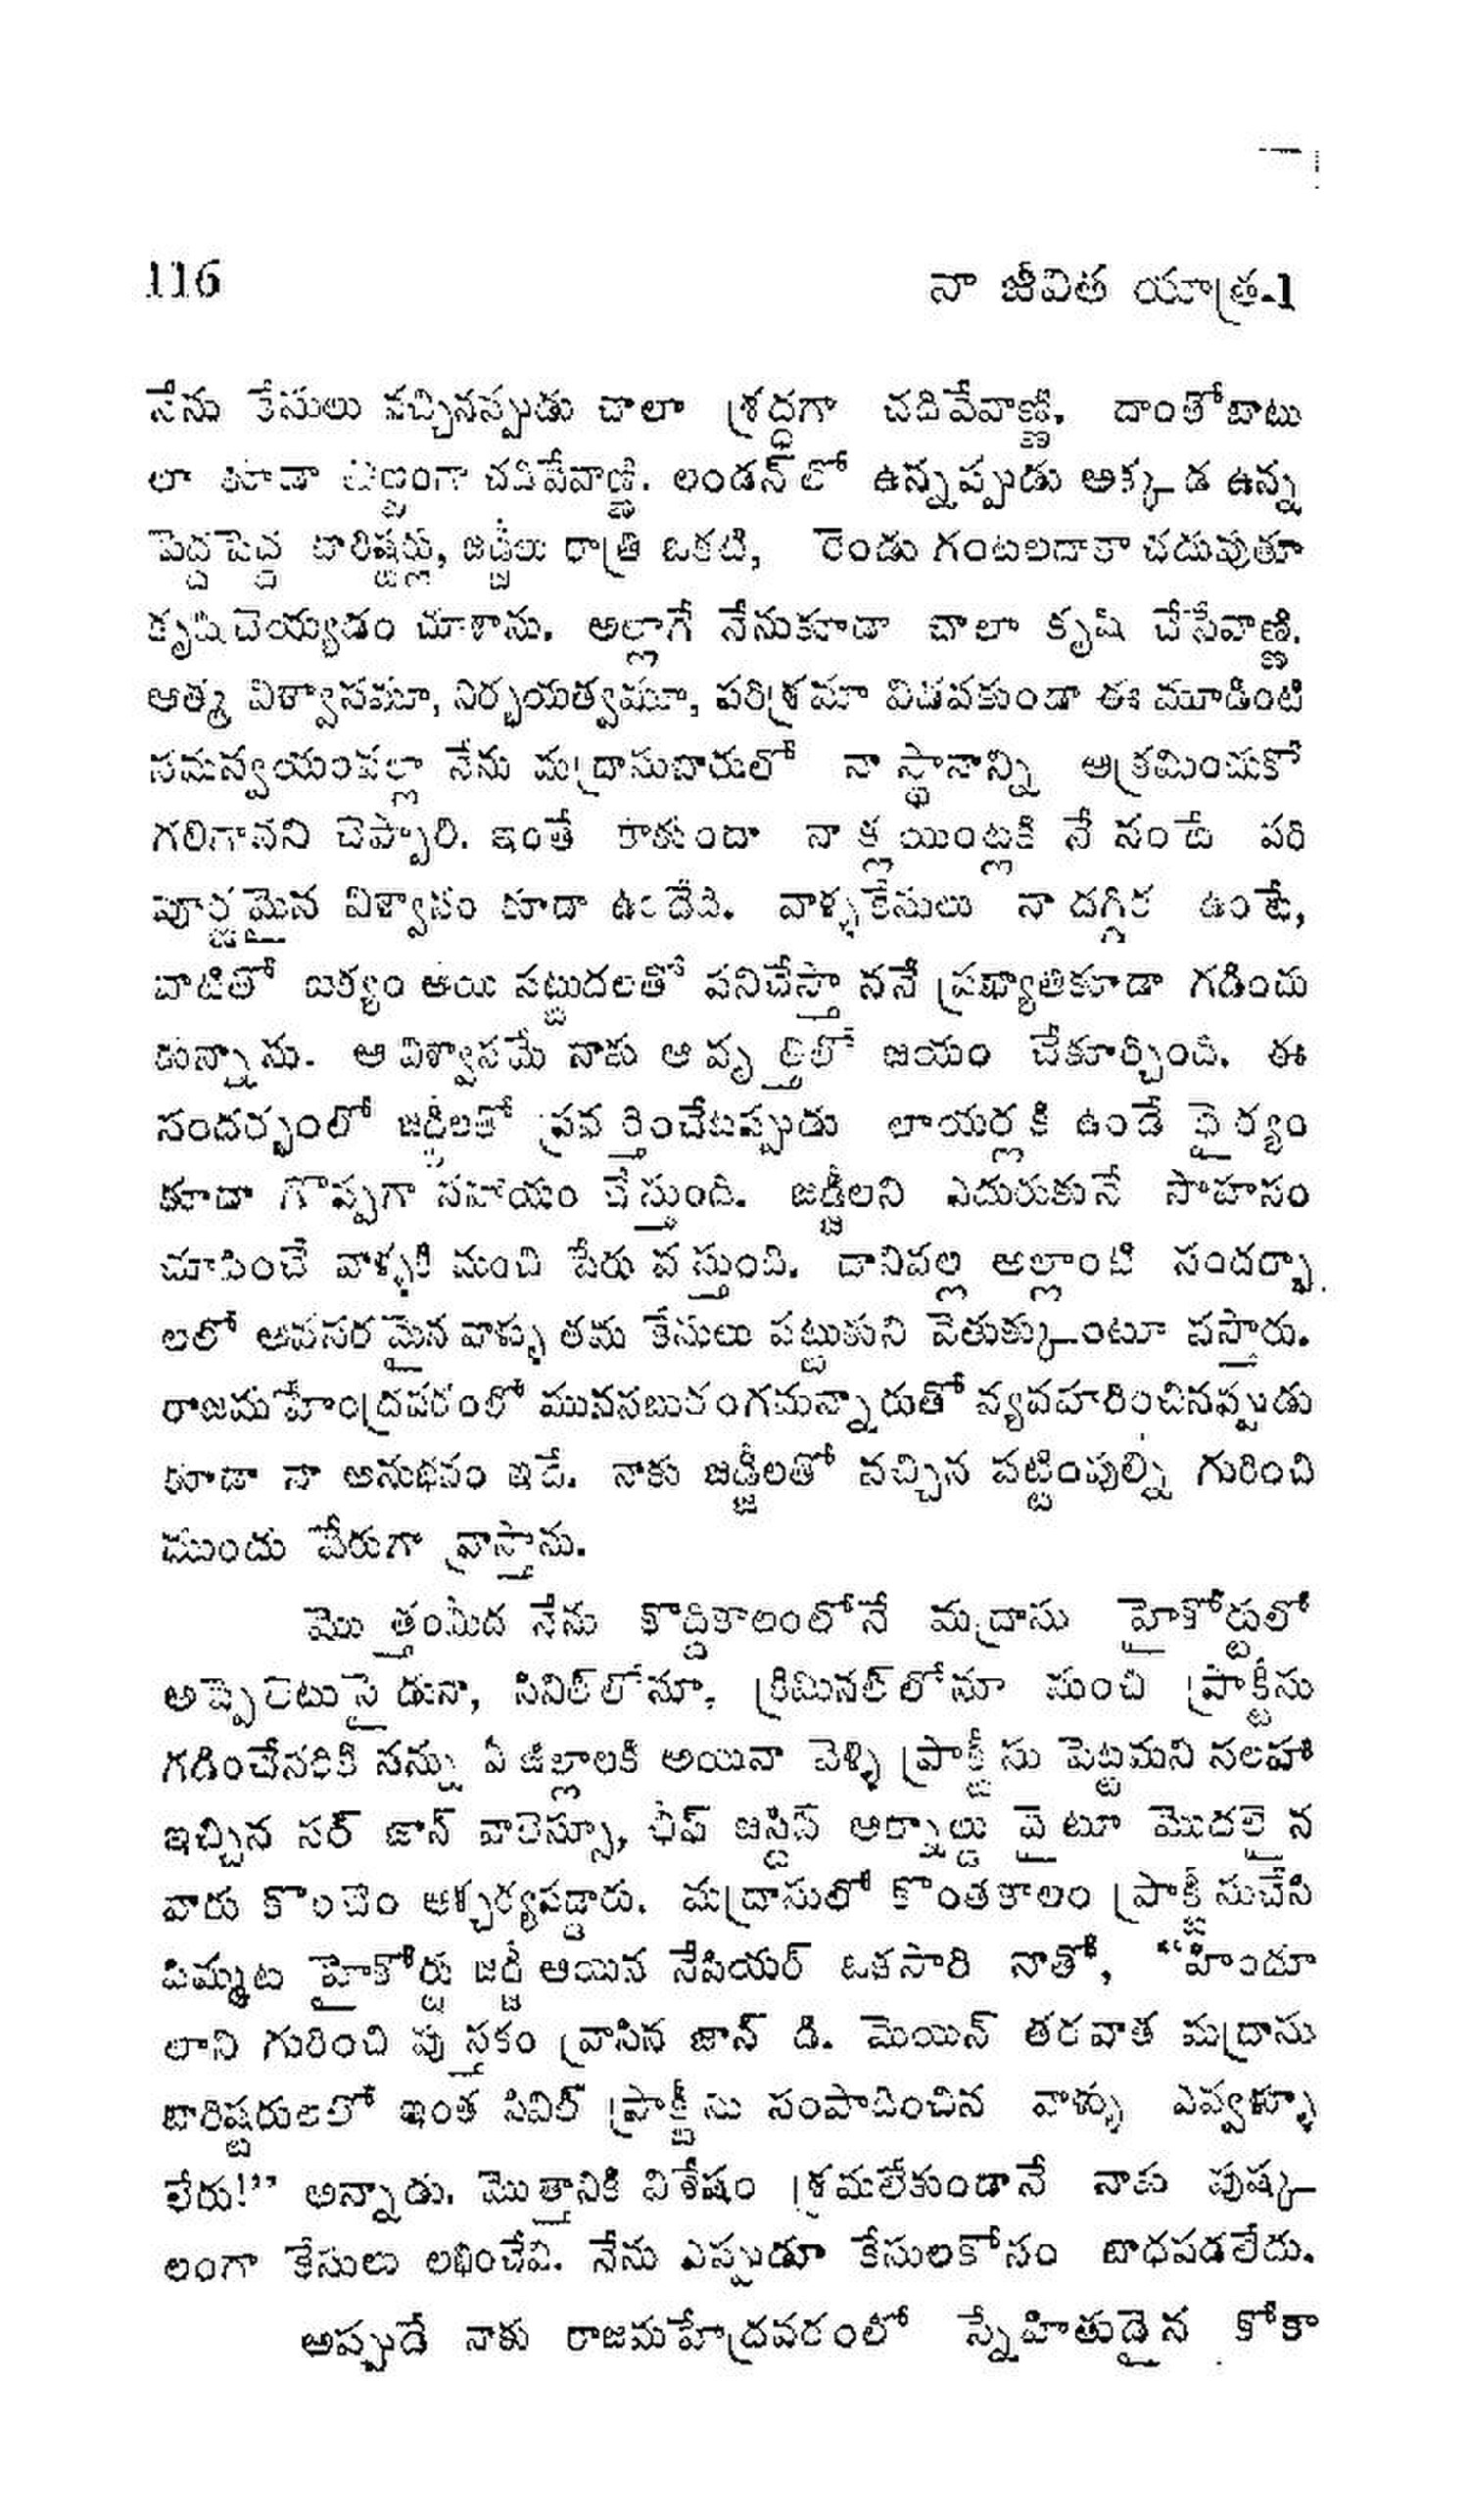నేను కేసులు వచ్చినప్పుడు చాలా శ్రద్ధగా చదివేవాణ్ణి, దాంతోబాటు లా కూడా క్షుణ్ణంగా చదివేవాణ్ణి. లండన్‌లో ఉన్నప్పుడు అక్కడ ఉన్న పెద్దపెద్ద బారిష్టర్లు, జడ్జీలు రాత్రి ఒకటి, రెండు గంటలదాకా చదువుతూ కృషి చెయ్యడం చూశాను. అల్లాగే నేనుకూడా చాలా కృషి చేసేవాణ్ణి. ఆత్మ విశ్వాసమూ, నిర్బయత్వమూ, పరిశ్రమా విడవకుండా ఈ మూడింటి సమన్వయం వల్లా నేను మద్రాసుబారులో నా స్థానాన్ని ఆక్రమించుకో గలిగానని చెప్పాలి. ఇంతే కాకుండా నా క్లయింట్లకి నే నంటే పరిపూర్ణ మైన విశ్వాసం కూడా ఉండేది. వాళ్ళకేసులు నా దగ్గిర ఉంటే, వాటితో ఐక్యం అయి పట్టుదలతో పనిచేస్తా ననే ప్రఖ్యాతికూడా గడించుకున్నాను. ఆ విశ్వాసమే నాకు ఆ వృత్తిలో జయం చేకూర్చింది. ఈ సందర్బంలో జడ్జీలతో ప్రవర్తించేటప్పుడు లాయర్లకి ఉండే ధైర్యం కూడా గొప్పగా సహాయం చేస్తుంది. జడ్జీలని ఎదురుకునే సాహసం చూపించే వాళ్ళకి మంచి పేరు వస్తుంది. దానివల్ల అల్లాంటి సందర్భంలో అవసర మైన వాళ్ళు తమ కేసులు పట్టుకుని వెతుక్కుంటూ వస్తారు. రాజమహేంద్రవరంలో మునసబు రంగమన్నారుతో వ్యవహరించి నప్పుడు కూడా నా అనుభవం ఇదే. నాకు జడ్జీలతో వచ్చిన పట్టింపుల్ని గురించి ముందు వేరుగా వ్రాస్తాను.

మొత్తంమీద నేను కొద్దికాలంలోనే మద్రాసు హైకోర్టులో అప్పెలెటుసైడునా, సివిల్‌లోనూ, క్రిమినల్‌లోనూ మంచి ప్రాక్టీసు గడించేసరికి నన్ను ఏ జిల్లాలకి అయినా వెళ్ళి ప్రాక్టీసు పెట్టమని సలహా ఇచ్చిన సర్ జాన్ వాలెస్సూ, చీప్ జస్టిస్ అర్నాల్డు వైటూ మొదలైన వారు కొంచెం ఆశ్చర్యపడ్డారు. మద్రాసులో కొంతకాలం ప్రాక్టీసుచేసి పిమ్మట హైకోర్టు జడ్జీ అయిన నేపియర్ ఒకసారి నాతో, "హిందూ లాని గురించి పుస్తకం వ్రాసిన జాన్ డి. మెయిన్ తరవాత మద్రాసు బారిష్టరులలో ఇంత సివిల్ ప్రాక్టీసు సంపాదించిన వాళ్ళు ఎవ్వళ్ళూ లేరు!" అన్నాడు. మొత్తానికి విశేషం శ్రమలేకుండానే నాకు పుష్కలంగా కేసులు లభించేవి. నేను ఎప్పుడూ కేసులకోసం బాధపడలేదు.

అప్పుడే నాకు రాజమహేంద్రవరంలో స్నేహితుడైన కోకా